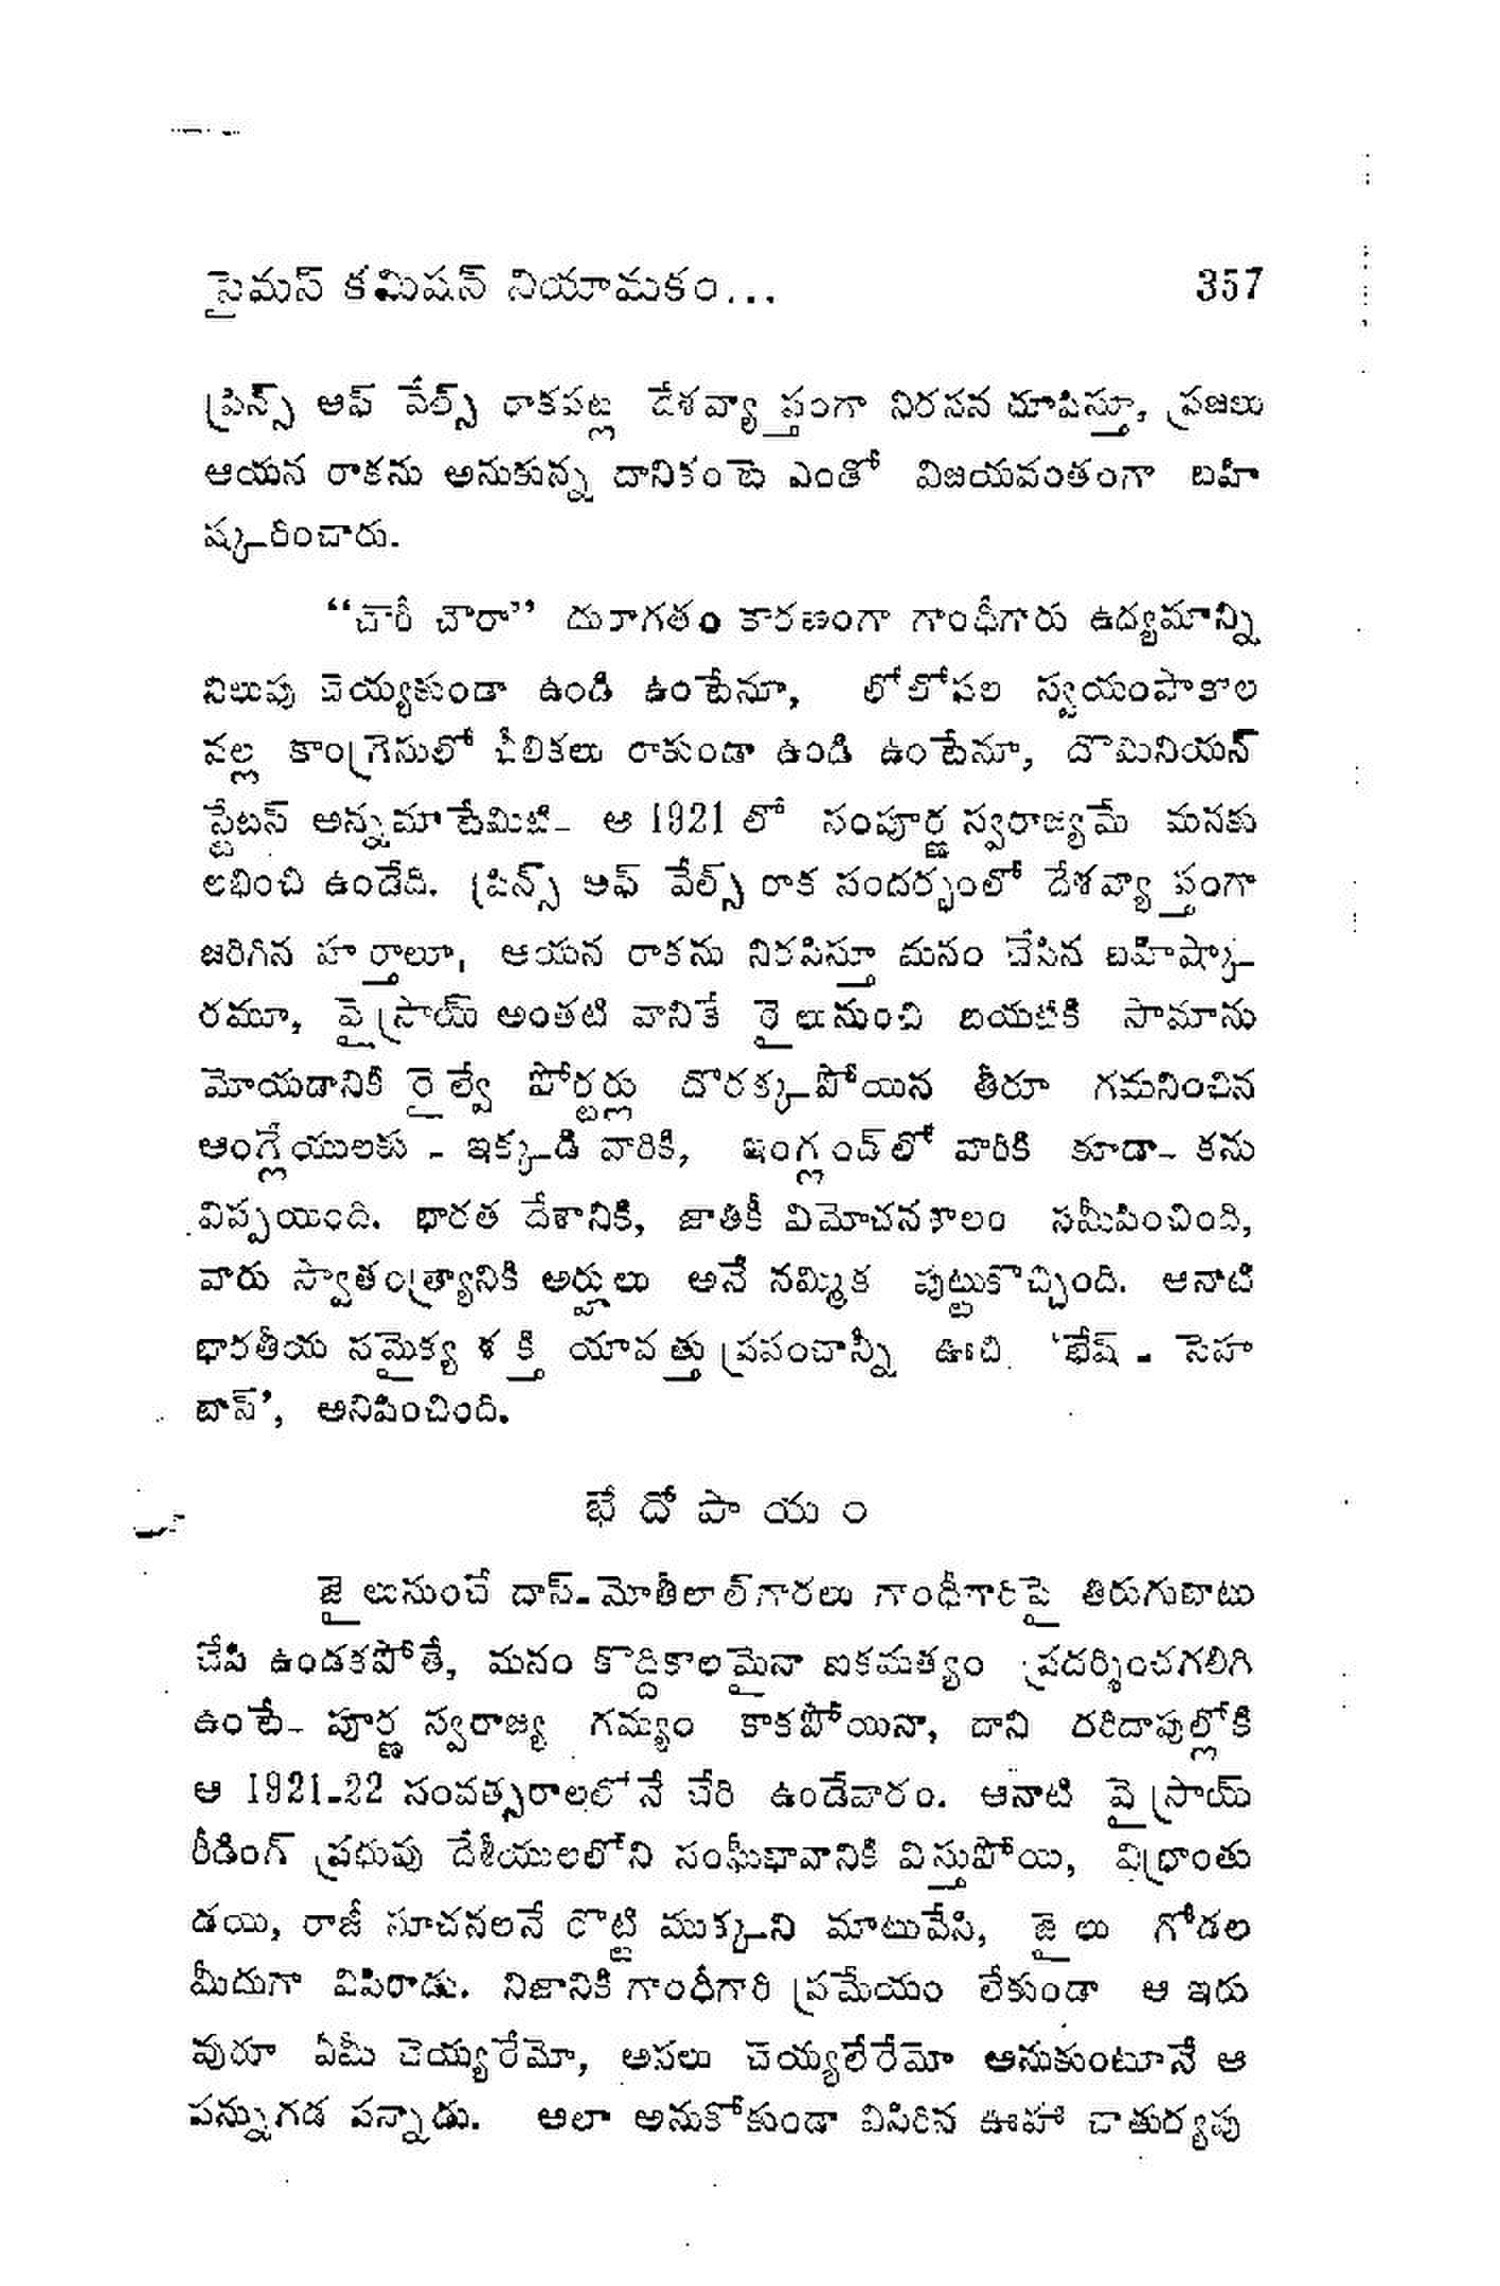ప్రిన్స్ ఆఫ్ వేల్స్ రాకపట్ల దేశవ్యాప్తంగా నిరసన చూపిస్తూ, ప్రజలు ఆయన రాకను అనుకున్న దానికంటే ఎంతో విజయవంతంగా బహిష్కరించారు.

"చౌరీ చౌరా" దురాగతం కారణంగా గాంధీగారు ఉద్యమాన్నీ నిలుపు చెయ్యకుండా ఉండి ఉంటేనూ, లోలోపల స్వయంపాకాల వల్ల కాంగ్రెసులో చీలికలు రాకుండా ఉండి ఉంటేనూ, దొమినియన్ స్టేటస్ అన్నమాటేమిటి-ఆ 1921లో సంపూర్ణ స్వరాజ్యమే మనకు లభించి ఉండేది. ప్రిన్స్ ఆఫ్ వేల్స్ రాక సందర్భంలో దేశవ్యాప్తంగా జరిగిన హర్తాలు, ఆయన రాకను నిరసిస్తూ మనం చేసిన బహిష్కారమూ, వైస్రాయ్ అంతటి వానికే రైలునుంచి బయటికి సామాను మోయడానికి రైల్వే పోర్టర్లు దొరక్కపోయిన తీరూ గమనించిన ఆంగ్లేయులకు-ఇక్కడి వారికి, ఇంగ్లండ్‌లో వారికి కూడా-కనువిప్పయింది. భారత దేశానికి, జాతికి విమోచనకాలం సమీపించింది, వారు స్వాతంత్ర్యానికి అర్హులు అనే నమ్మిక పుట్టుకొచ్చింది. ఆనాటి భారతీయ సమైక్య శక్తి యావత్తు ప్రపంచాన్నీ ఊచి "భేష్-సెహబాస్", అనిపించింది.

జైలునుంచే దాస్-మోతిలాల్ గారలు గాంధీగారిపై తిరుగుబాటు చేసి ఉండకపోతే, మనం కొద్దికాలమైనా ఐకమత్యం ప్రదర్శించగలిగి ఉంటే-పూర్ణ స్వరాజ్య గమ్యం కాకపోయినా, దాని దరిదాపుల్లోకి ఆ 1921-22 సంవత్సరాలలోనే చేరి ఉండేవారం. ఆ నాటి వైస్రాయ్ రీడింగ్ ప్రభువు దేశీయులలోని సంఘీభావానికి విస్తుపోయి, విభ్రాంతుడయి, రాజీ సూచనలనే రొట్టి ముక్కని మాటువేసి, జైలు గోడల మీదుగా విసిరాడు. నిజానికి గాంధీగారి ప్రమేయం లేకుండా ఆ ఇరువురూ ఏమీ చెయ్యరేమో, అసలు చెయ్యలేరేమో అనుకుంటూనే ఆ పన్నుగడ పన్నాడు. అలా అనుకోకుండా విసిరిన ఊహా చాతుర్యపు